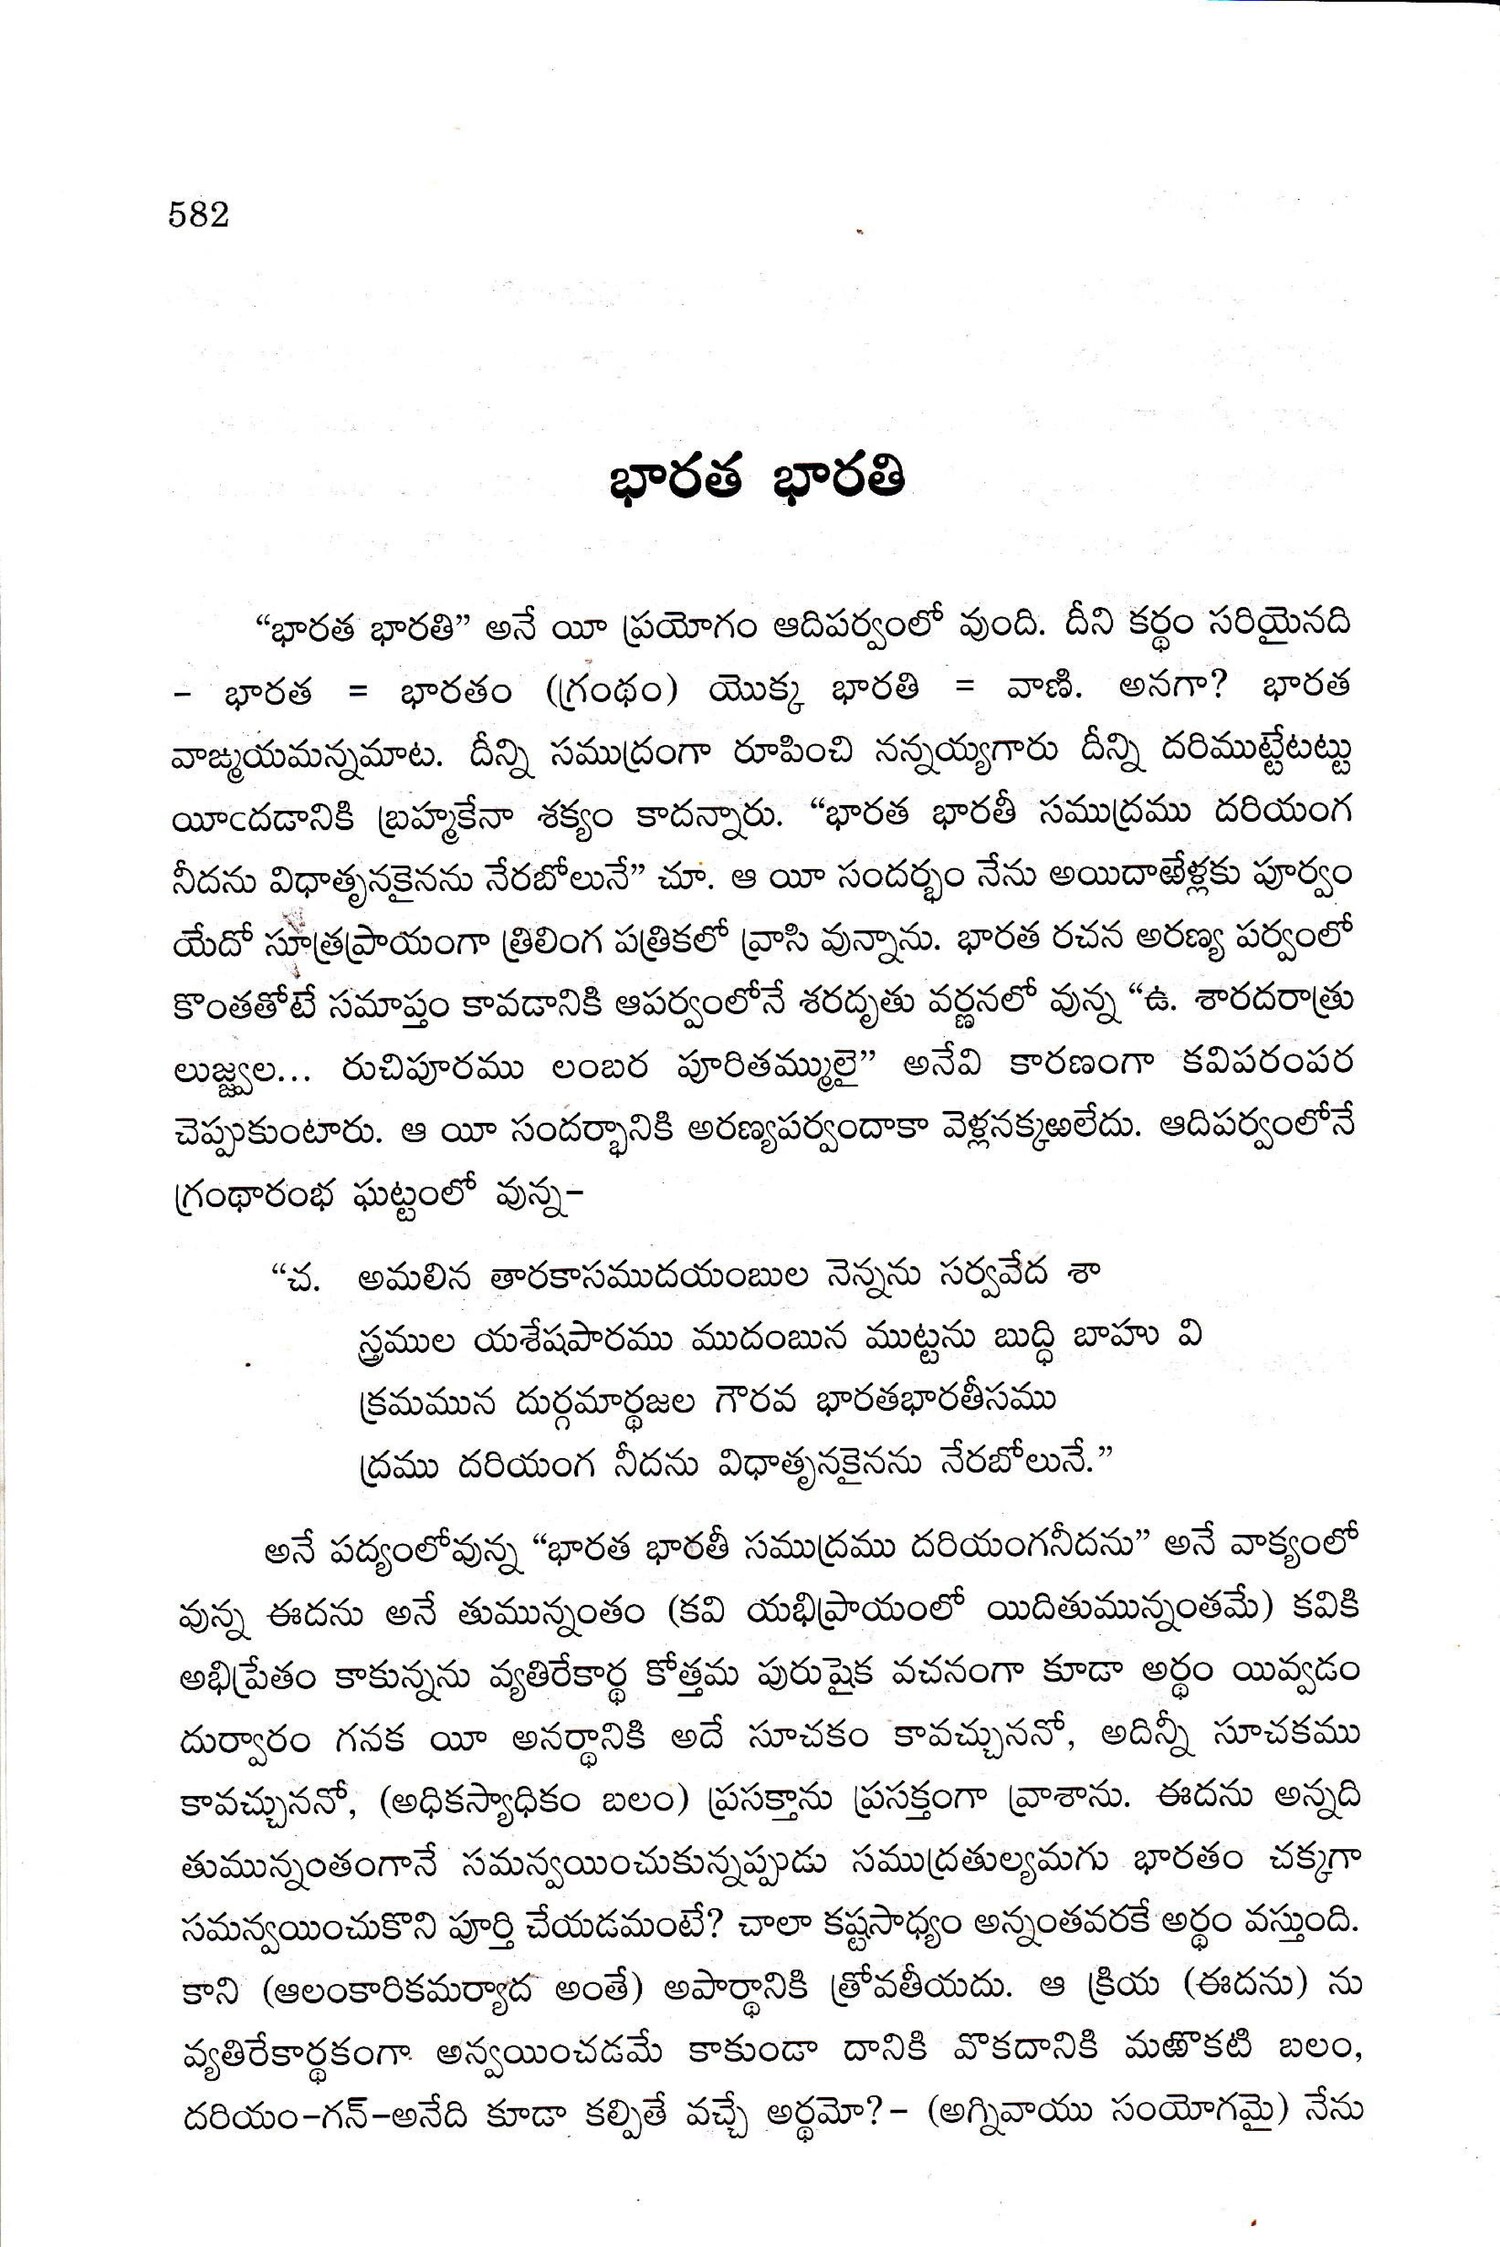భారత భారతి

"భారత భారతి" అనే యీ ప్రయోగం ఆదిపర్వంలో వుంది. దీని కర్థం సరియైనది - భారత = భారతం (గ్రంథం) యొక్క భారతి = వాణి. అనగా? భారత వాఙ్మయమన్నమాట. దీన్ని సముద్రంగా రూపించి నన్నయ్యగారు దీన్ని దరిముట్టేటట్టు యీఁదడానికి బ్రహ్మకేనా శక్యం కాదన్నారు. “భారత భారతీ సముద్రము దరియంగ నీదను విధాతృనకైనను నేరబోలునే" చూ. ఆ యీ సందర్భం నేను అయిదాఱేళ్లకు పూర్వం యేదో సూత్రప్రాయంగా త్రిలింగ పత్రికలో వ్రాసి వున్నాను. భారత రచన అరణ్య పర్వంలో కొంతతోటే సమాప్తం కావడానికి ఆపర్వంలోనే శరదృతు వర్ణనలో వున్న"ఉ. శారదరాత్రు లుజ్జ్వల. . . రుచిపూరము లంబర పూరితమ్ములై" అనేవి కారణంగా కవిపరంపర చెప్పుకుంటారు. ఆ యీ సందర్భానికి అరణ్యపర్వందాకా వెళ్లనక్కఱలేదు. ఆదిపర్వంలోనే గ్రంథారంభ ఘట్టంలో వున్న-

“చ. అమలిన తారకాసముదయంబుల నెన్నను సర్వవేద శా
 స్త్రముల యశేషపారము ముదంబున ముట్టను బుద్ధి బాహు వి 
 క్రమమున దుర్గమార్థజల గౌరవ భారతభారతీసము 
 ద్రము దరియంగ నీదను విధాతృనకైనను నేరబోలునే."
అనే పద్యంలోవున్న “భారత భారతీ సముద్రము దరియంగనీదను” అనే వాక్యంలో వున్న ఈదను అనే తుమున్నంతం (కవి యభిప్రాయంలో యిదితుమున్నంతమే) కవికి అభిప్రేతం కాకున్నను వ్యతిరేకార్థ కోత్తమ పురుషైక వచనంగా కూడా అర్థం యివ్వడం దుర్వారం గనక యీ అనర్ధానికి అదే సూచకం కావచ్చుననో, అదిన్నీ సూచకము కావచ్చుననో, (అధికస్యాధికం బలం) ప్రసక్తాను ప్రసక్తంగా వ్రాశాను. ఈదను అన్నది తుమున్నంతంగానే సమన్వయించుకున్నప్పుడు సముద్రతుల్యమగు భారతం చక్కగా సమన్వయించుకొని పూర్తి చేయడమంటే? చాలా కష్టసాధ్యం అన్నంతవరకే అర్థం వస్తుంది. కాని (ఆలంకారికమర్యాద అంతే) అపార్థానికి త్రోవతీయదు. ఆ క్రియ (ఈదను) ను వ్యతిరేకార్థకంగా అన్వయించడమే కాకుండా దానికి వొకదానికి మఱొకటి బలం, దరియం-గన్-అనేది కూడా కల్పితే వచ్చే అర్థమో?- (అగ్నివాయు సంయోగమై) నేను